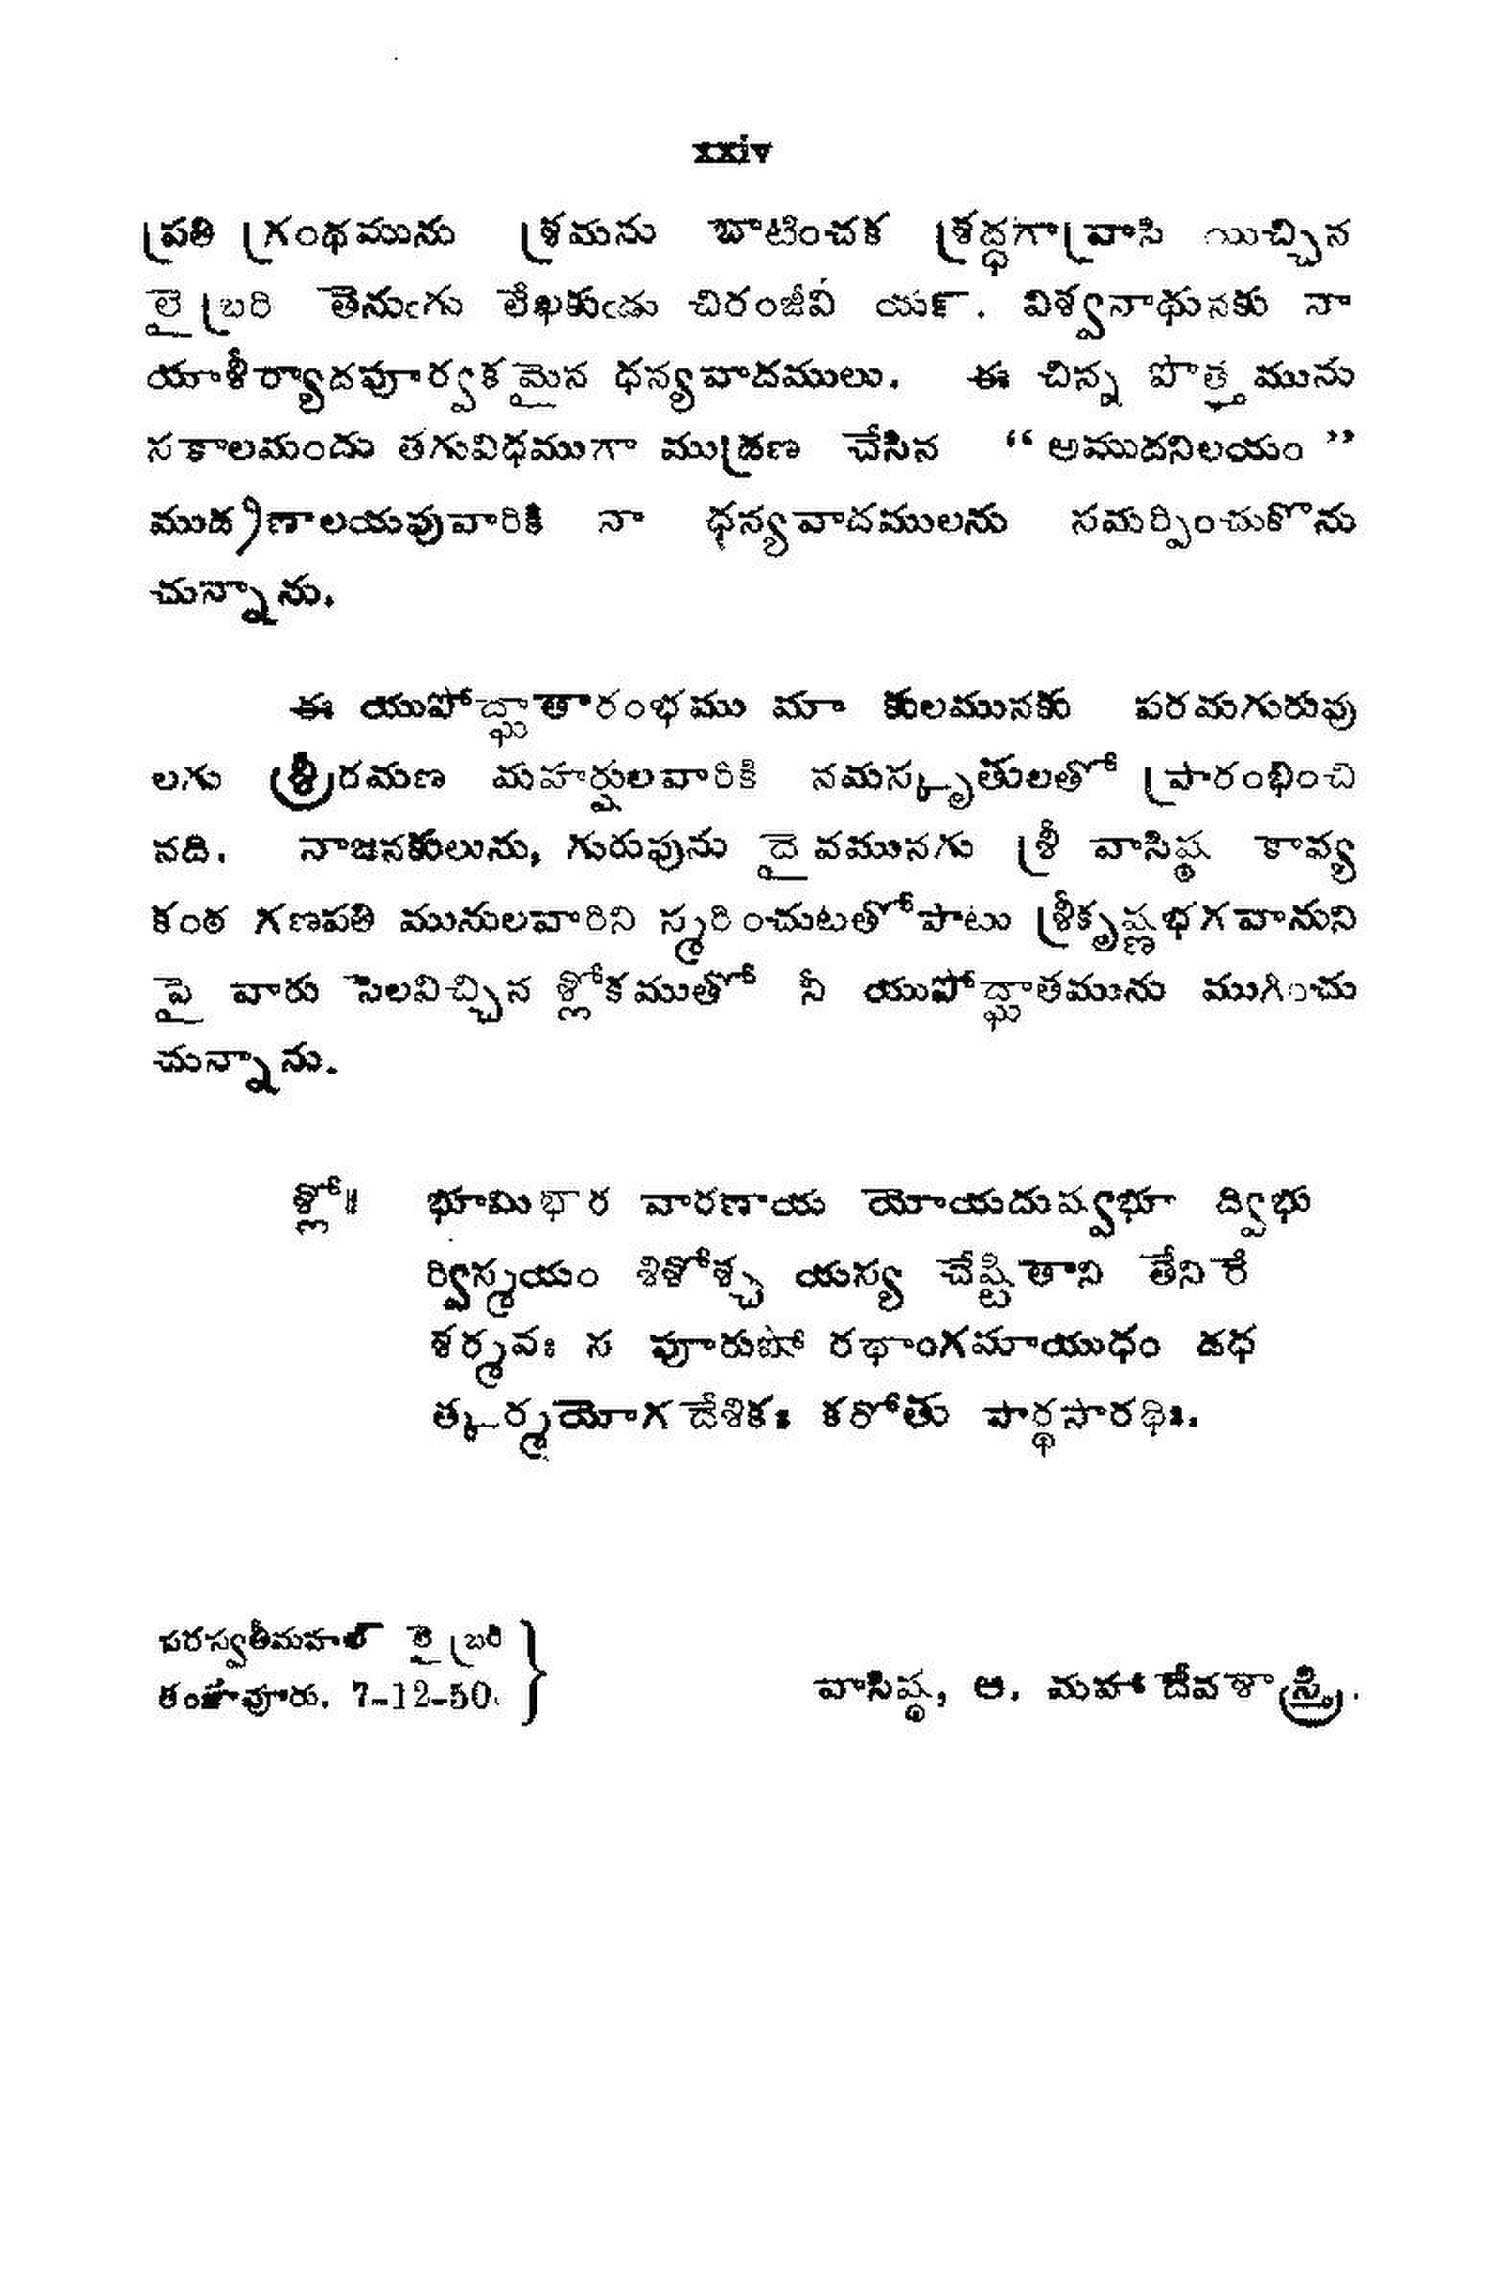ప్రతి గ్రంథమును శ్రమను బాటించక శ్రద్ధగావ్రాసి యిచ్చిన లైబ్రరీ తెనుఁగు లేఖకుఁడు చిరంజీవి యన్. విశ్వనాథునకు నా యాశీర్వాదపూర్వకమైన ధన్యవాదములు. ఈ చిన్న పొత్తమును సకాలమందు తగు విధముగా ముద్రణ చేసిన “ఆముద నిలయం” ముద్రణాలయమువారికి నా ధన్యవాదములను సమర్పించుకొనుచున్నాను.

ఈ యుపోద్ఘాతారంభము మా కులమునకు పరమగురువు లగు శ్రీరమణమహర్షులవారికి నమస్కృతులతో ప్రారంభించినది. నాజనకులును, గురువును దైవమునగు శ్రీ వాసిష్ఠ కావ్యకంఠ గణపతి మునులవారిని స్మరించుటతోపాటు శ్రీకృష్ణ భగవానుని పై వారు సెలవిచ్చిన శ్లోకముతో నీ యుపోద్ఘాతమును ముగించుచున్నాను.